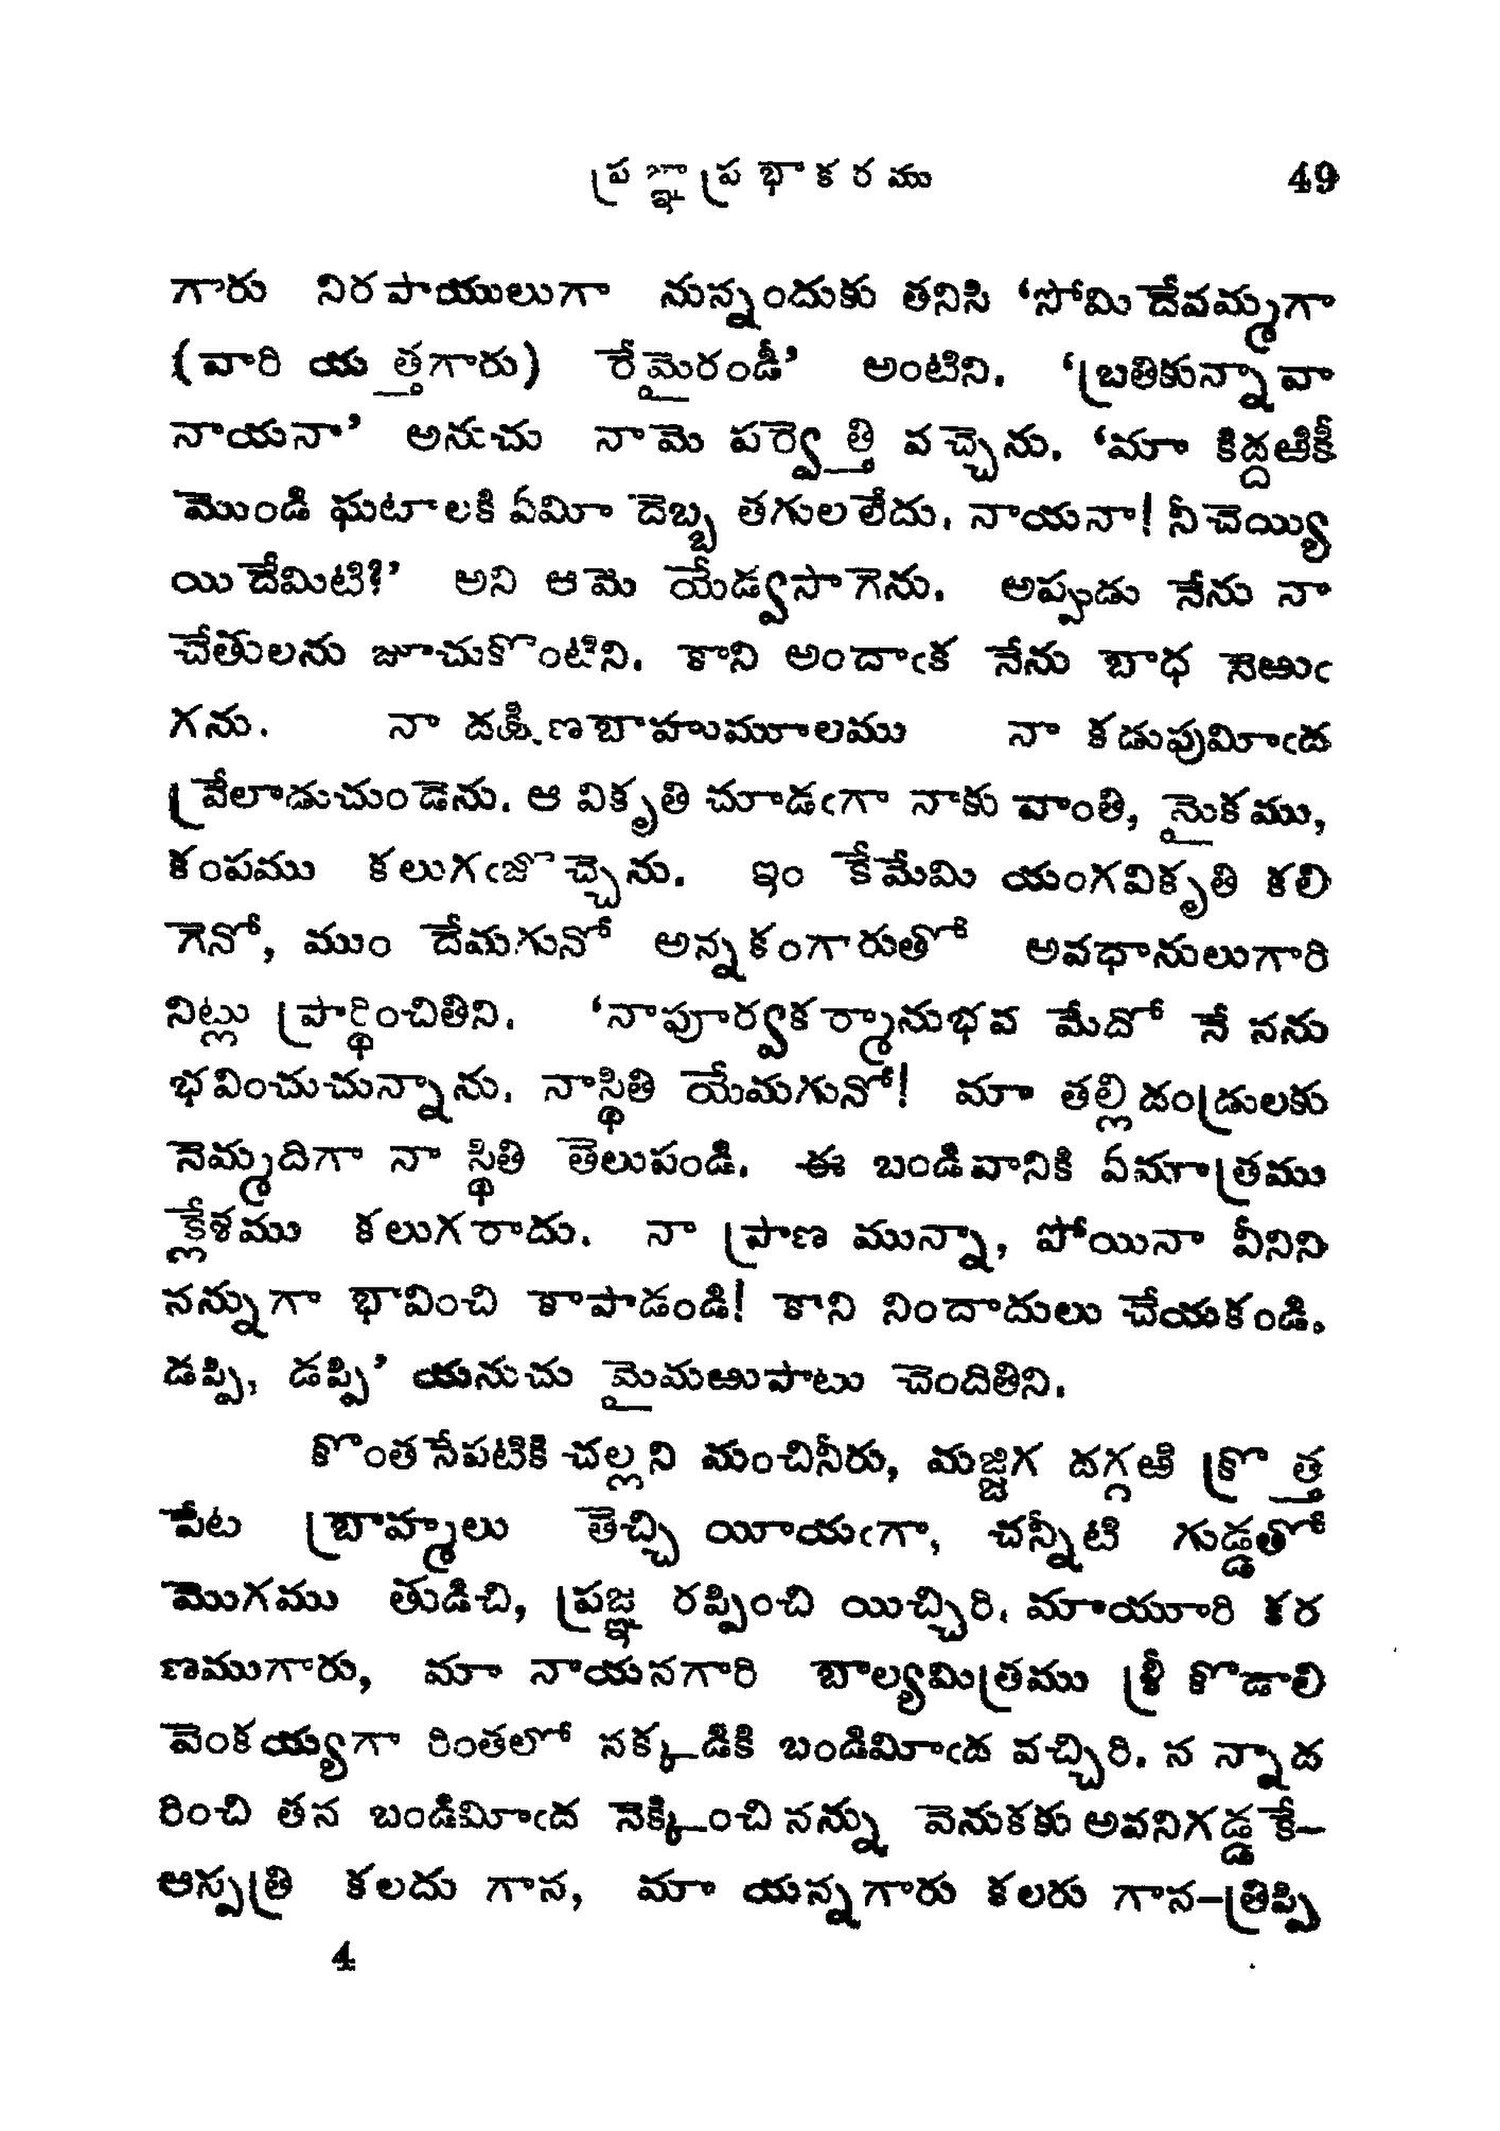గారు నిరపాయులుగా నున్నందుకు తనిసి ' సోమి దేవమ్మగా (వారి యత్తగారు) రేమైరండీ' అంటిని.' బ్రతికున్నవా నాయనా' అనుచు నామె పర్వెత్తి వచ్చెను.' మా కిద్దఱికీ మొండి ఘటాలకి ఏమి దెబ్బ తగుల లేదు. నాయనా! నీ చెయ్యియి దేమిటి?' అని ఆమె యేడ్వసాగెను.అప్పుడు నేను నా చేతులను జూచుకొంటిని. కానీ అందాఁక నేను బాధ నెఱుఁగను. నా దక్షిణ బాహుమూలము నా కడుపు మిఁ ద వ్రేలాడుచుండెను. ఆ వికృతి చూడఁ గా నాకు వాంతి, మైకము, కంపము కలుగఁ జొచ్చెను. ఇంకేమేమి యంగ వికృతి కలిగెనో, ముం దేమగునో అన్న కంగారుతో అవధానులు గారి నిట్లు ప్రార్దించితిని.' నా పూర్వకర్మానుభవమేదో నేన నుభవించుచున్నాను. నాస్థితి యేమగునో! మా తల్లిదండ్రులకు నెమ్మదిగా నా స్థితి తెలుపండి. ఈ ప్రాణమున్నా, పోయినా వీనిని నన్నుగా భావించి కాపాడండి! కానీ నిందాదులు చేయకండి. దప్పి, దప్పి' యనుచు మైమఱుపాటు చెందితిని.

కొంత సేపటికి చల్లని మంచినీరు, మజ్జిగ దగ్గఱి క్రొత్తపేట బ్రాహ్మలు తెచ్చి యీయఁ గా, చన్నీటి గుడ్డతో మొగము తుడిచి, ప్రజ్ఞ రప్పించి యిచ్చిరి. మాయూరి కారణముగారు, మానాయనగారి బాల్యమిత్రము శ్రీ కొడాలి వెంకయ్యగా రింతలో నక్కడికి బండి మిఁద నెక్కించి నన్ను వెనుకకు అవనిగడ్డ కే- ఆస్పత్రి కలదు గాన, మా యన్నగారు కలరు గాన- త్రిప్పి